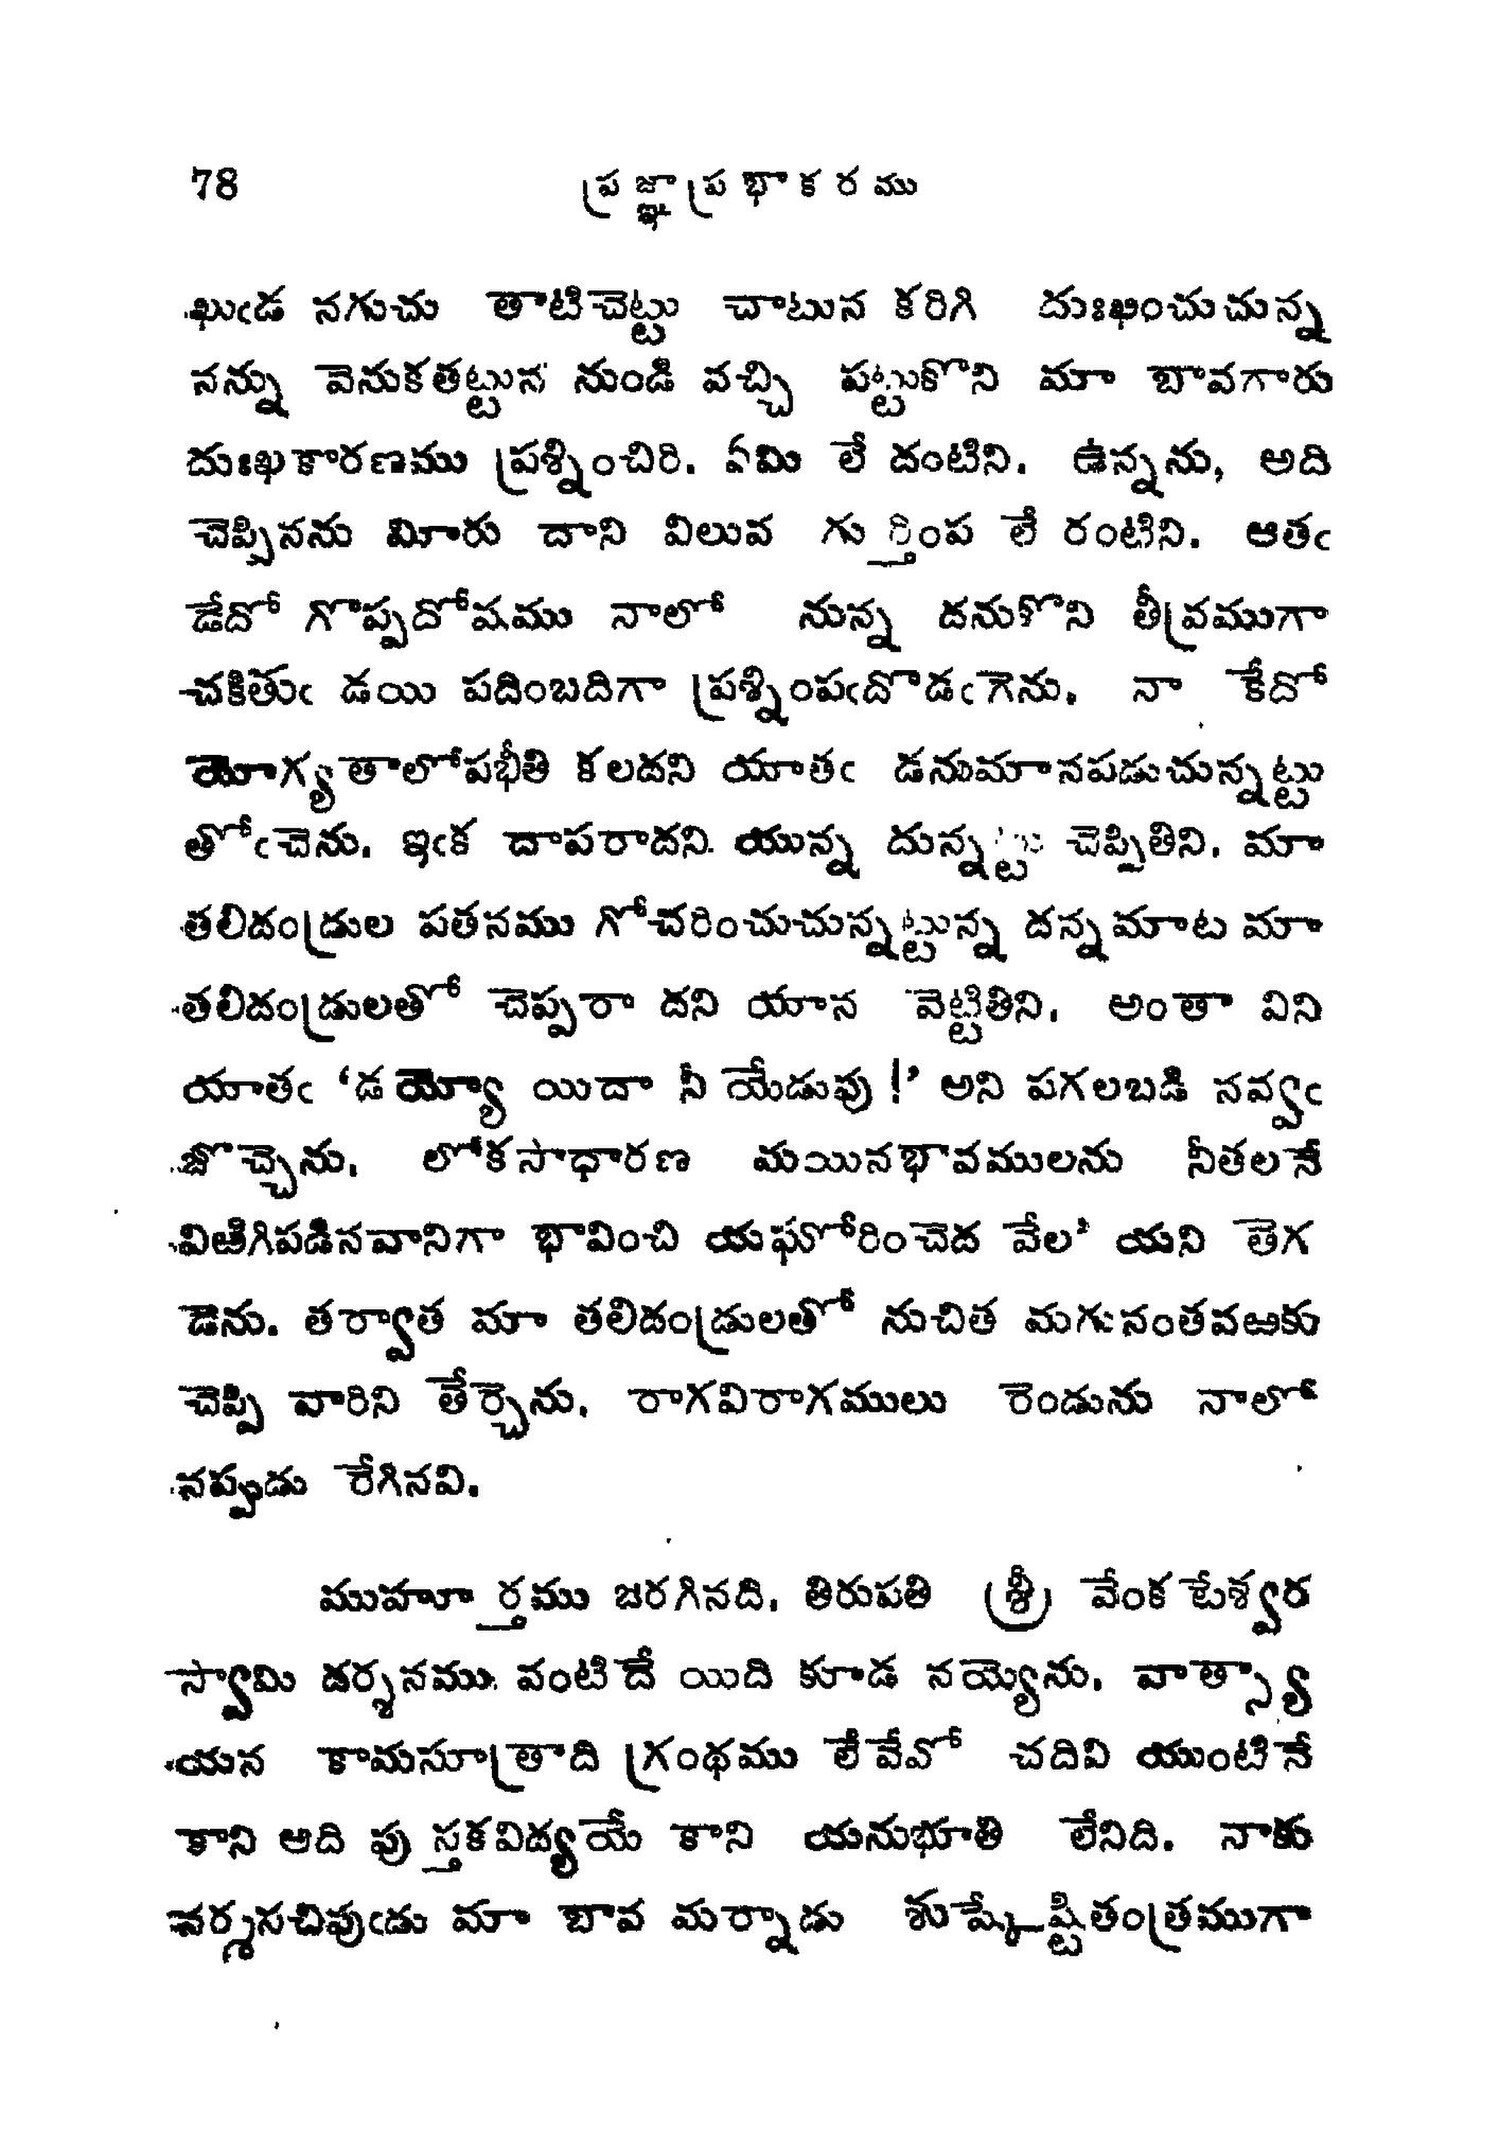ఖుఁడ నగుచు తాటిచెట్టు చాటు కరిగి దుఃఖించుచున్న నన్ను వెనుకతట్టున నుండి వచ్చి పట్టుకొని మా బావగారు దుఃఖకారణము ప్రశ్నించిరి.ఏమి లే దంటిని. ఉన్నను,అది చెప్పినను మిరు దాని విలువ గుర్తింప లే రంటిని.ఆతఁడేదో గొప్పదోషము నాలో నున్న దనుకొని తీవ్రముగా చకితుఁ డయి పదింబదిగా ప్రశ్నింపఁ దొడఁ గెను. నా కేదో యోగ్యతాలో పభీతి కలదని యాతఁ డనుమానపడుచున్నట్టు తోఁ చెను. ఇఁ క దాపరాదని యున్న దున్నట్టు చెప్పితిని.మా తలిదండ్రుల పతనము గోచరించుచున్నట్టున్న దన్న మాట మా తలిదండ్రులతో చెప్పరా దని యాన వెట్టితిని.అంతా విని యాతఁ 'డయ్యో యిదా నీ యేడుపు!'అని పగలబడి నవ్వఁ జొచ్చెను.' లోకసాధారణము మయిన భావము లనునీ తలనే విఱిగిపడిణ వానిగా భావించి యఘోరించెద వేల 'యని తెగడెను.తర్వాత మా తలిదండ్రులతో నుచిత మగునంతవఱుకు చెప్పి వారిని తేర్చెను. రాగవిరాగములు రెండుగా నాలో నప్పుడు రేగినవి.
 
ముహూర్తము జరిగినది.తిరుపతి శ్రీ వేంకటేశ్వర స్వామి దర్శనము వంటిదే యిది కూడ నయ్యెను. వాత్స్యయన కామసూత్రాది గ్రంధము లేవేవో చదివి యుంటినే కాని అది పుస్తక విద్యయే కానీ యనుభూతి లేనిది.నాకు నర్మసచివుఁడు మా బావ మర్నాడు శుష్కేష్టితంత్రముగా